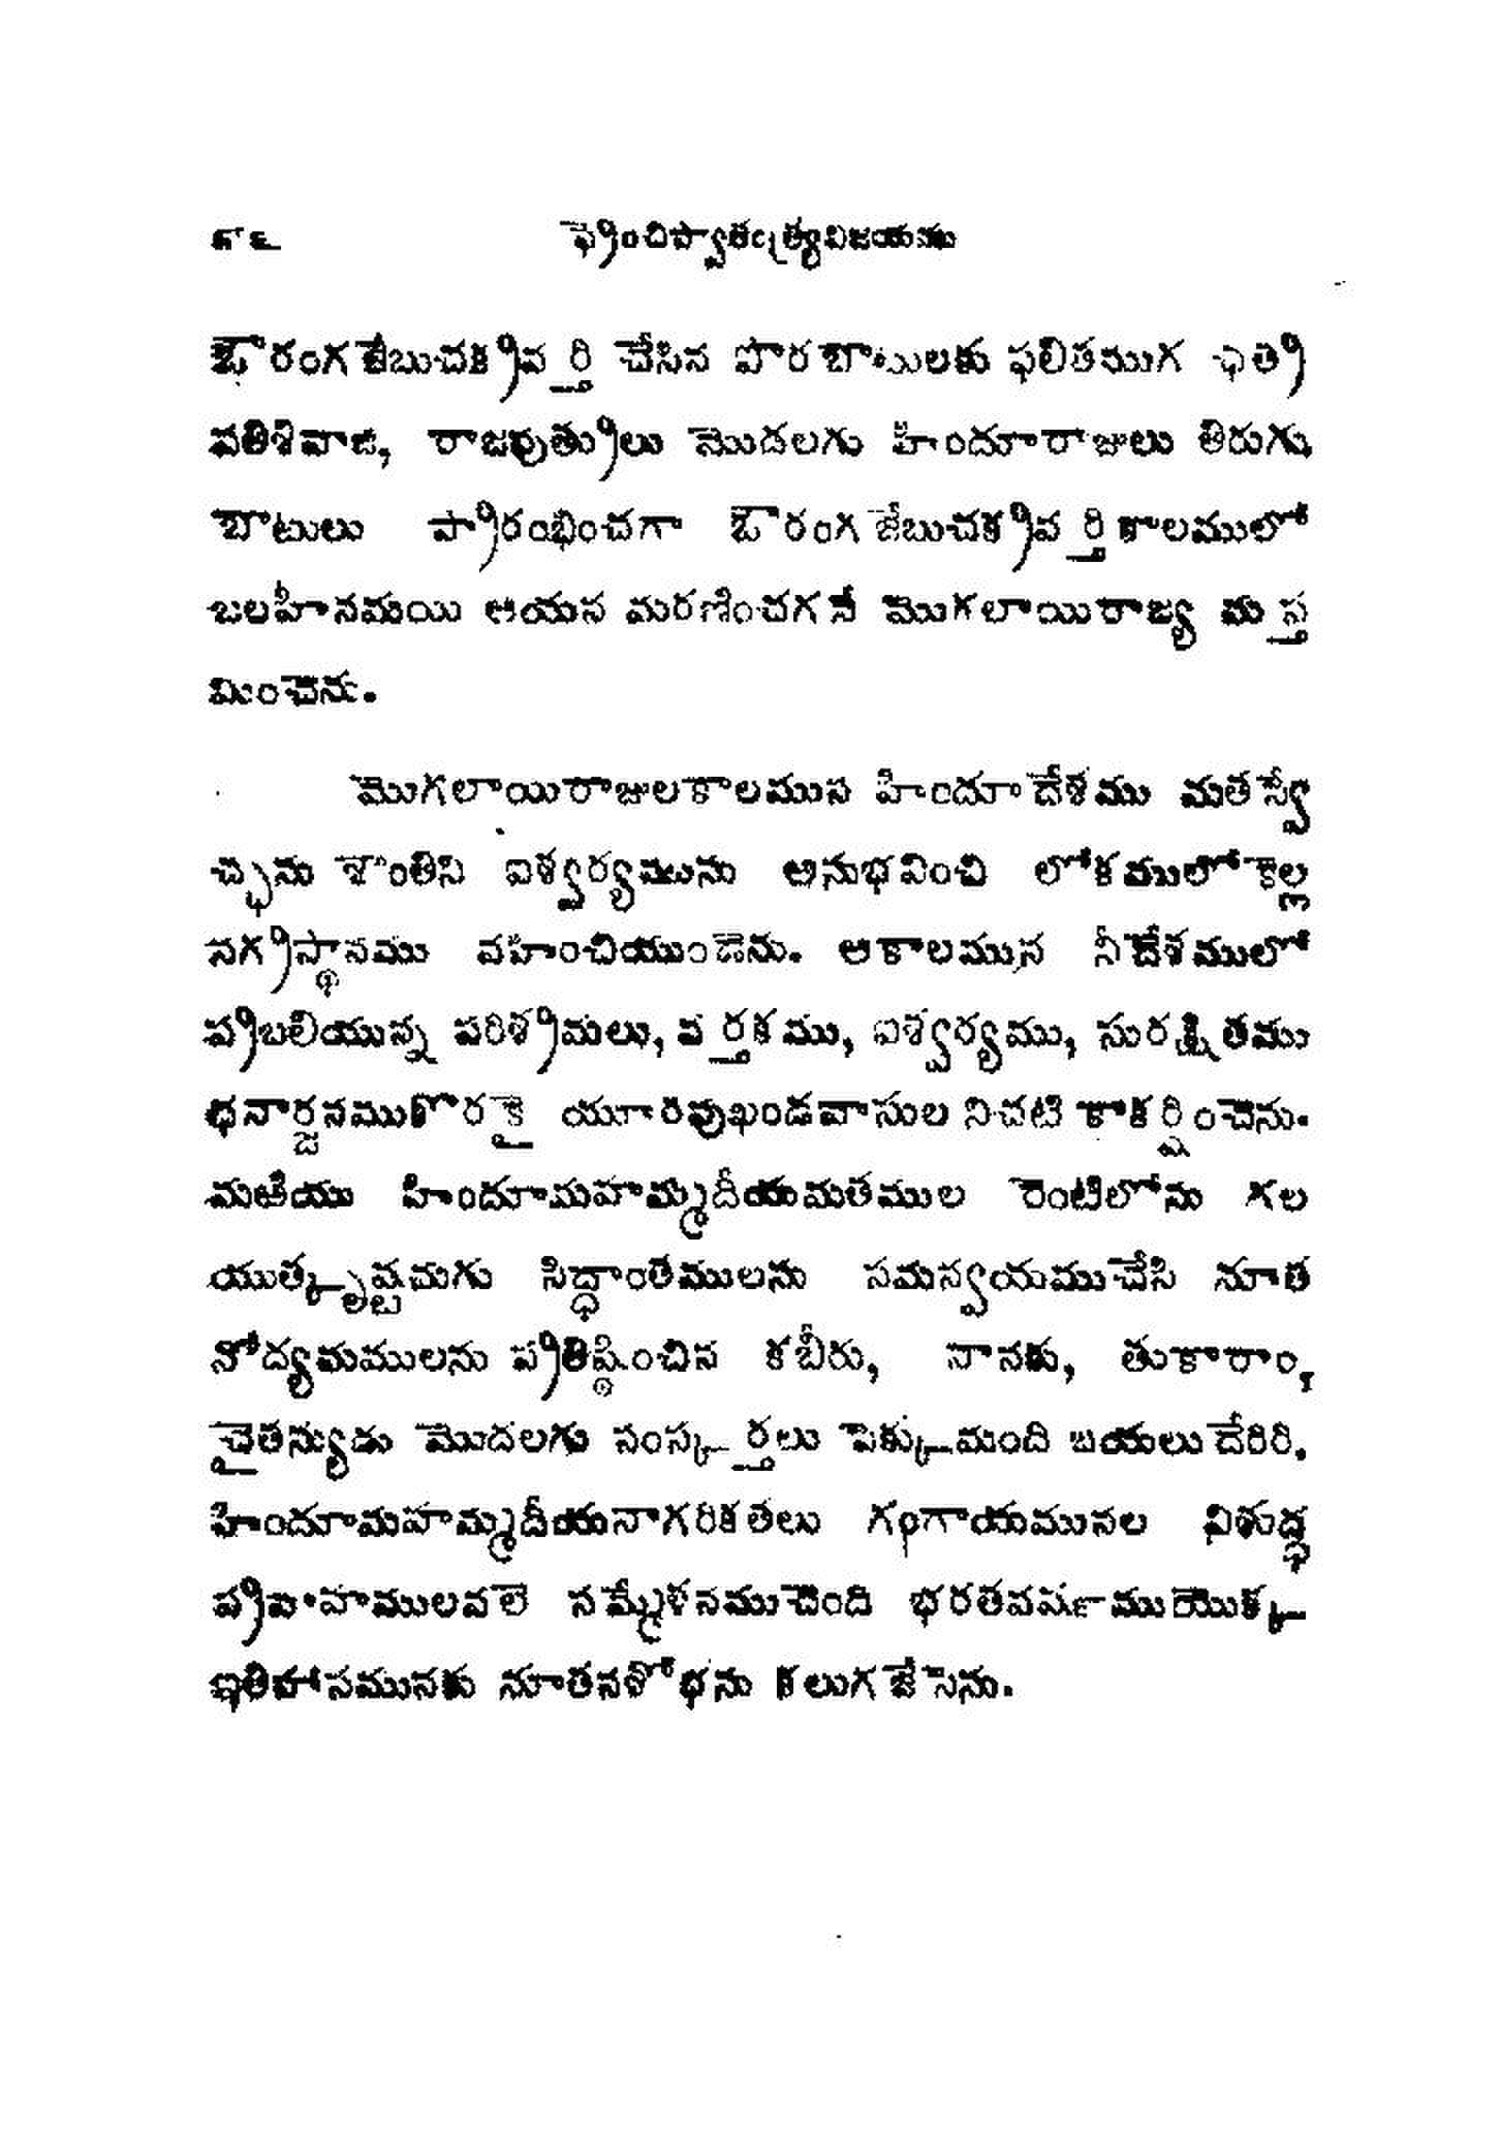ఔరంగ జేబు చక్రవర్తి చేసిన పొరబాటులకు ఫలితముగ ఛత్ర
పతిశివాజి, రాజపుత్రులు మొదలగు హిందూరాజులు తిరుగు
బాటులు ప్రారంభించగా ఔరంగ జేబు చక్రవ ర్తి కాలములో
బలహీనమయి ఆయన మరణించగనే మొగలాయిరాజ్య మస్త
మించెను.

మొగలాయి రాజుల కాలమున హిందూ దేశము మత స్వే
చ్ఛను శాంతిని ఐశ్వర్యమును అనుభవించి లోకములో కెల్ల
నగ్రస్థానము వహించియుండెను. ఆకాలమున నీదేశములో
ప్రబలియున్న పరిశ్రమలు, వర్తకము, ఐశ్వర్యము, సురక్షితము
ధనార్జనము కొరకై యూరపుఖండవాసుల నిచటి కాకర్షించెను.
మఱియు హిందూ మహమ్మదీయ మతముల రెంటిలోను గల
యుత్కృష్టమగు సిద్ధాంతములను సమన్వయము చేసి నూత
నోద్యమములను ప్రతిష్ఠించిన కబీరు, నానకు, తుకారాం,
చైతన్యుడు మొదలగు సంస్కర్తలు పెక్కు మంది బయలు దేరిరి,
హిందూమహమ్మదీయ నాగరికతలు గంగాయమునల విశుద్ధ
ప్రవాహములవలె సమ్మేళనము చెంది భరతవర్షము యొక్క
ఇతిహాసమునకు నూతనశోభను కలుగ జేసెను.